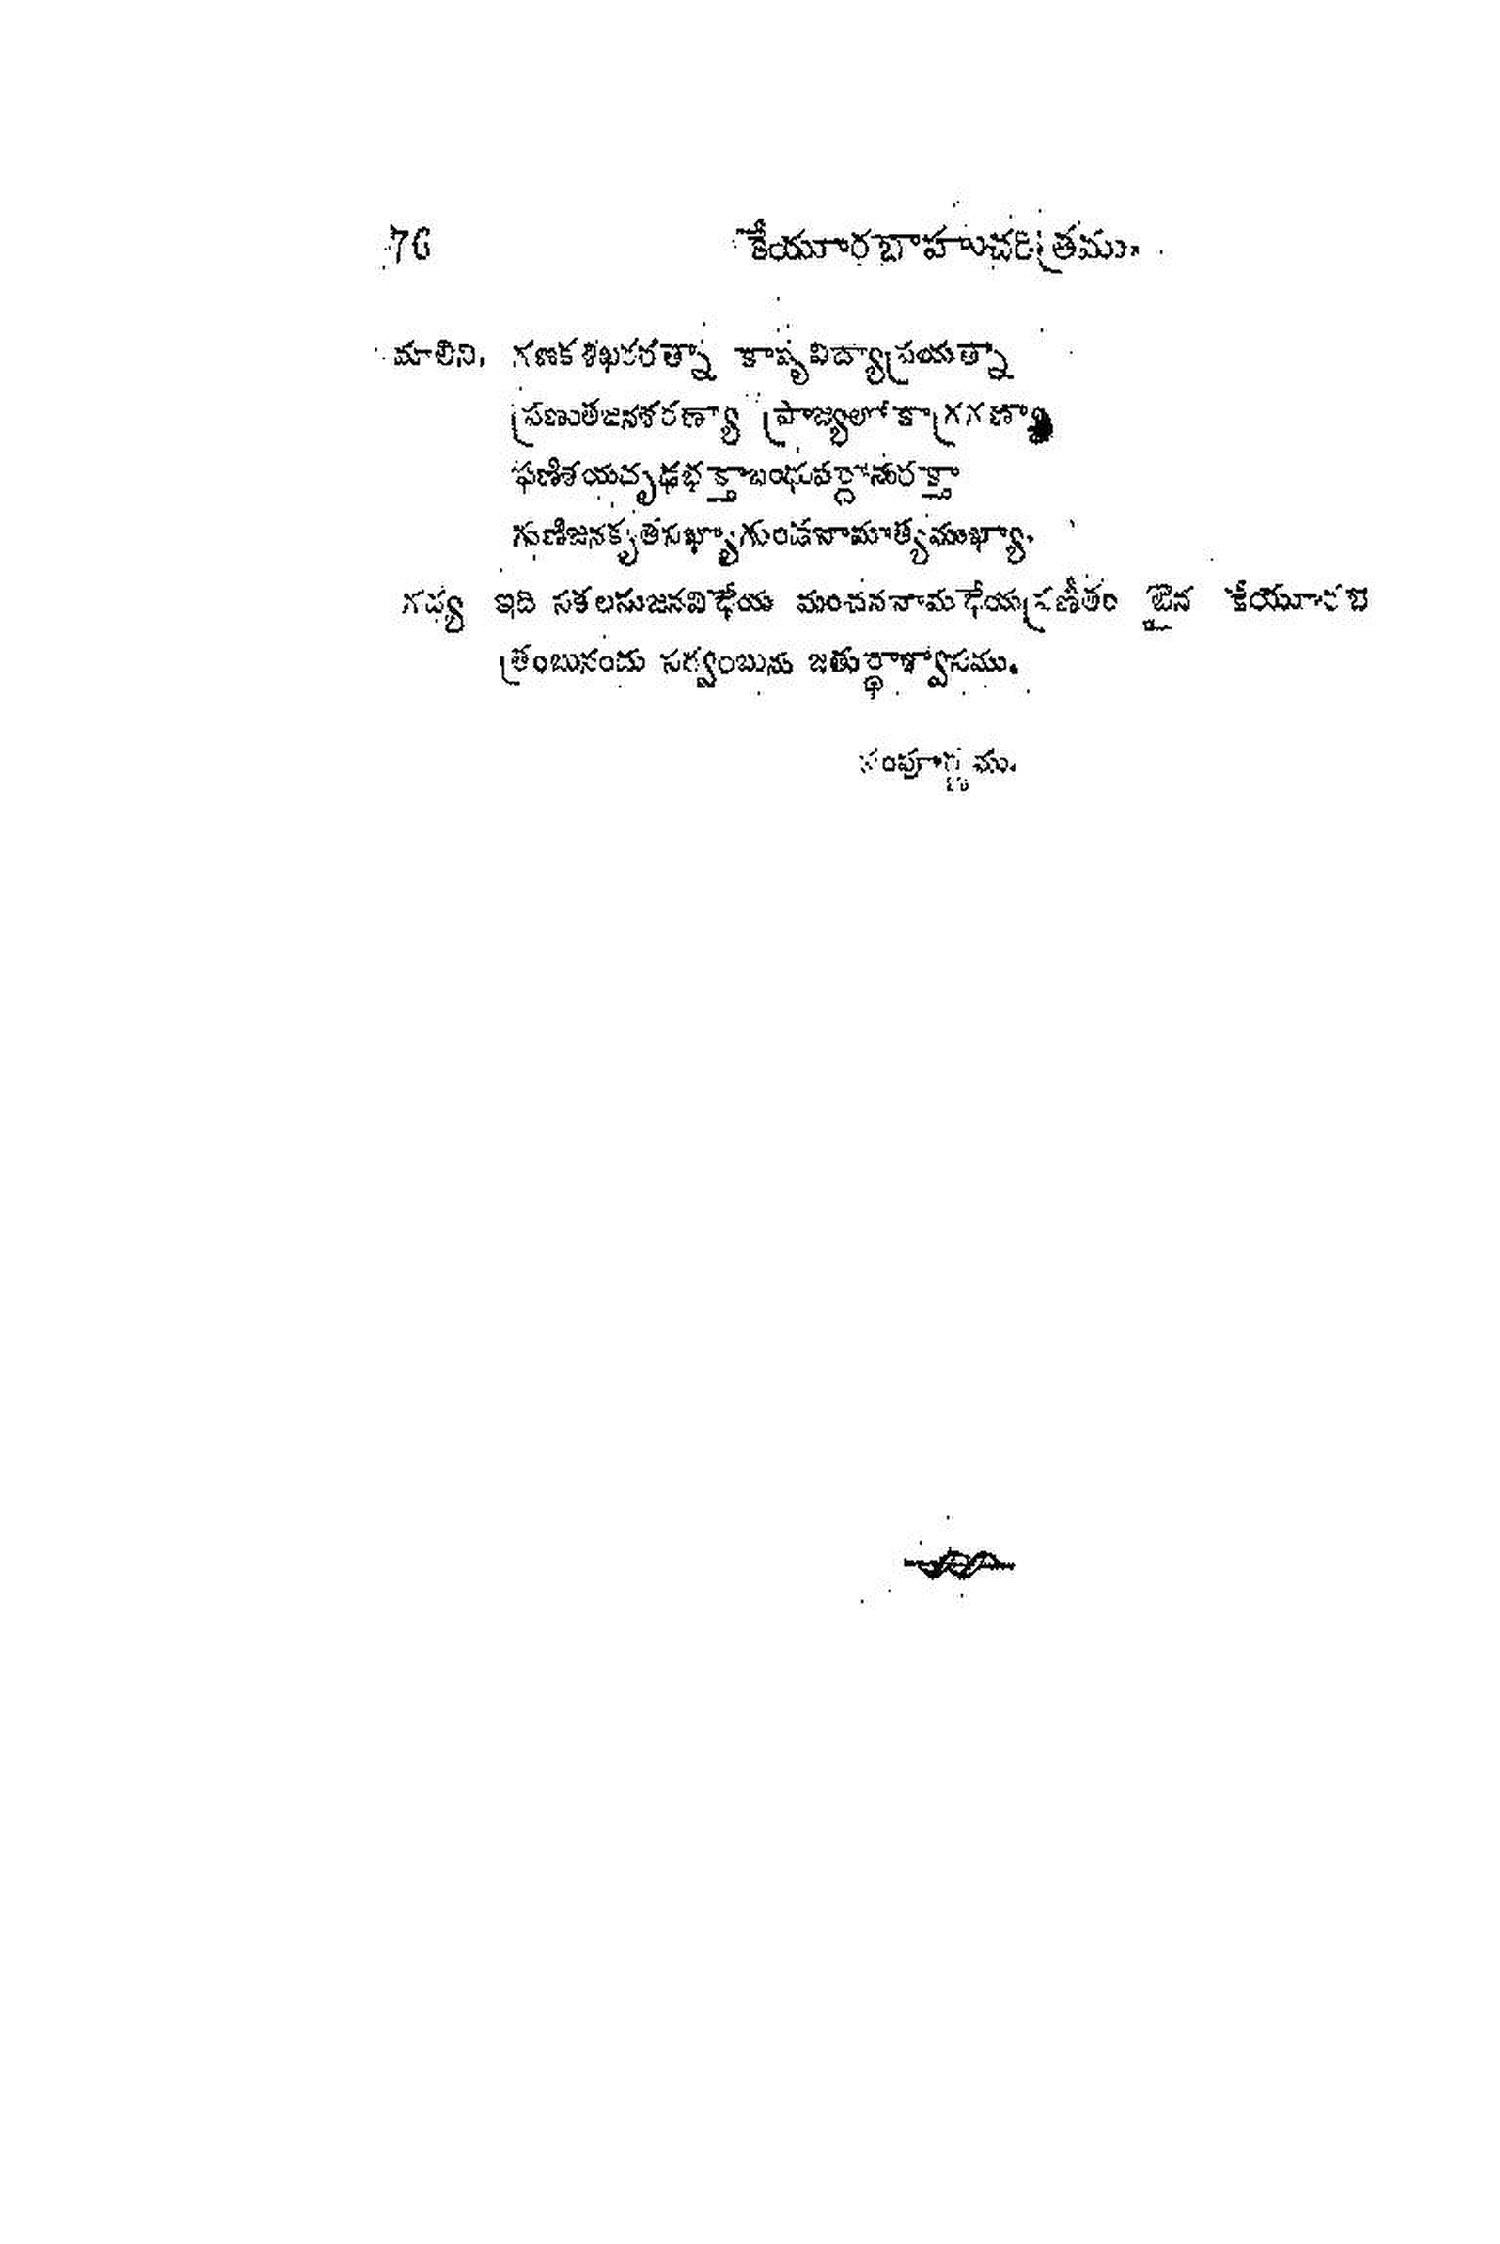మాలిని. గణకశిఖరరత్నా కావ్యవిద్యాప్రయత్నా
 ప్రణుతజనశరణ్యా ప్రాజ్యలోకాగ్రగణ్యా
 ఫణిశయదృఢభక్తా బంధువర్గానురక్తా
 గుణిజనకృతిసఖ్యా గుండనామాత్యముఖ్యా.
గద్య. ఇది సకలసుజనవిధేయ మంచననామధేయప్రణీతం బైన కేయూరబాహుచరి
 త్రంబునందు సర్వంబును జతుర్థాశ్వాసము.